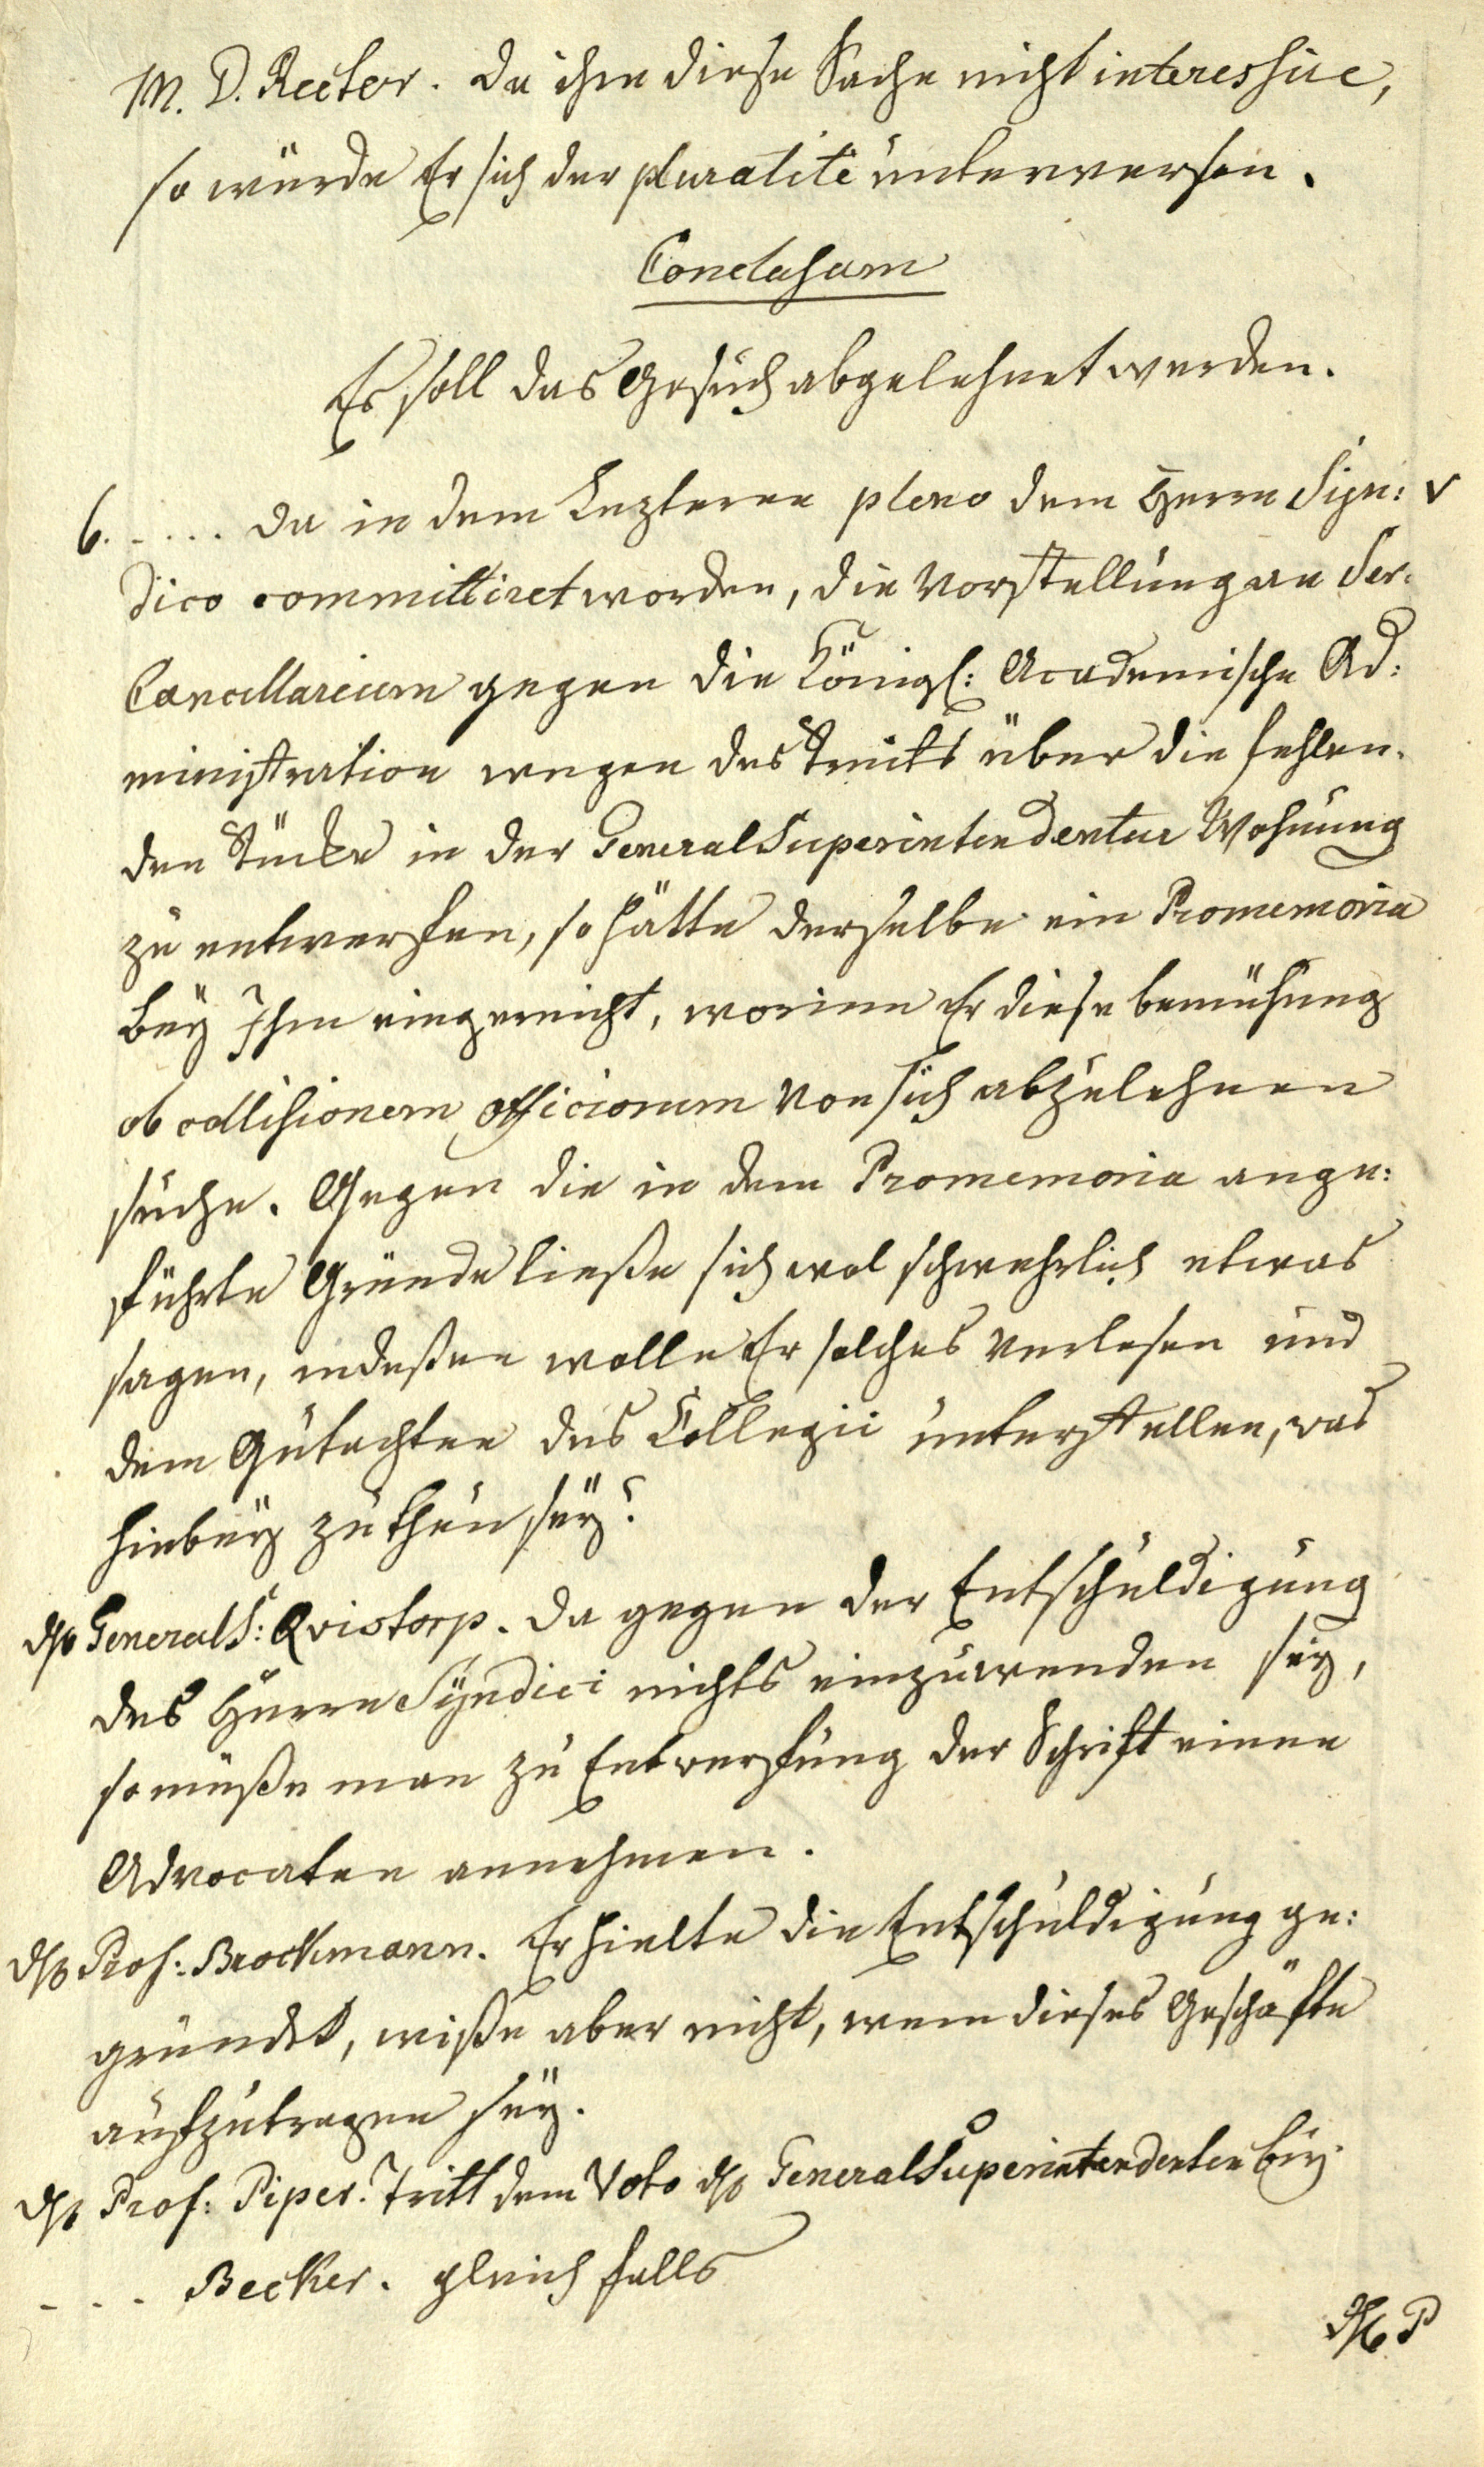M. D. Rector. Da ihre diese Sache nicht interessire,
so würde Er sich der pluralite unterwerfen.
Conclusum
Es soll das Gesuch abgelehnet werden.
6. Da in dem Lezteren pleno dem Herrn Sÿn¬
dico committiret worden, die Vorstellung an Ser¬
Cancellarium gegen die Königl. Academische Ad¬
ministration wegen des Sreits über die fehlen¬
den Stücke in der GeneralSuperintendentur Wohnung
zu entwerfen, so hätte derselbe ein Promemoria
beÿ Ihm eingereicht, worin Er diese Bemühung
ob collisionem officiorum von sich abzulehnen
suche. Gegen die in dem Promemoria ange¬
führte Gründe ließe sich wol schwehrlich etwas
sagen, indeßen wolle Er solches verlesen und
dem Gutachten des Collegii unterstellen, was
hiebeÿ zu thun seÿ?
dh GeneralS. Quistorp. Da gegen der Entschuldigung
des Herrn Sÿndici nichts einzuwenden seÿ,
so müße man zu Entwerfung der Schrift einen
Advocaten annehmen.
dh Prof. Brockmann. Er hielte die Entschuldigung ge¬
gründet, wiße aber nicht, wenn dieses Geschäfte
aufzutragen seÿ.
dh Prof. Piper. Tritt dem Voto dh GeneralSuperintendenten beÿ.
Becker. gleich falls
dh P